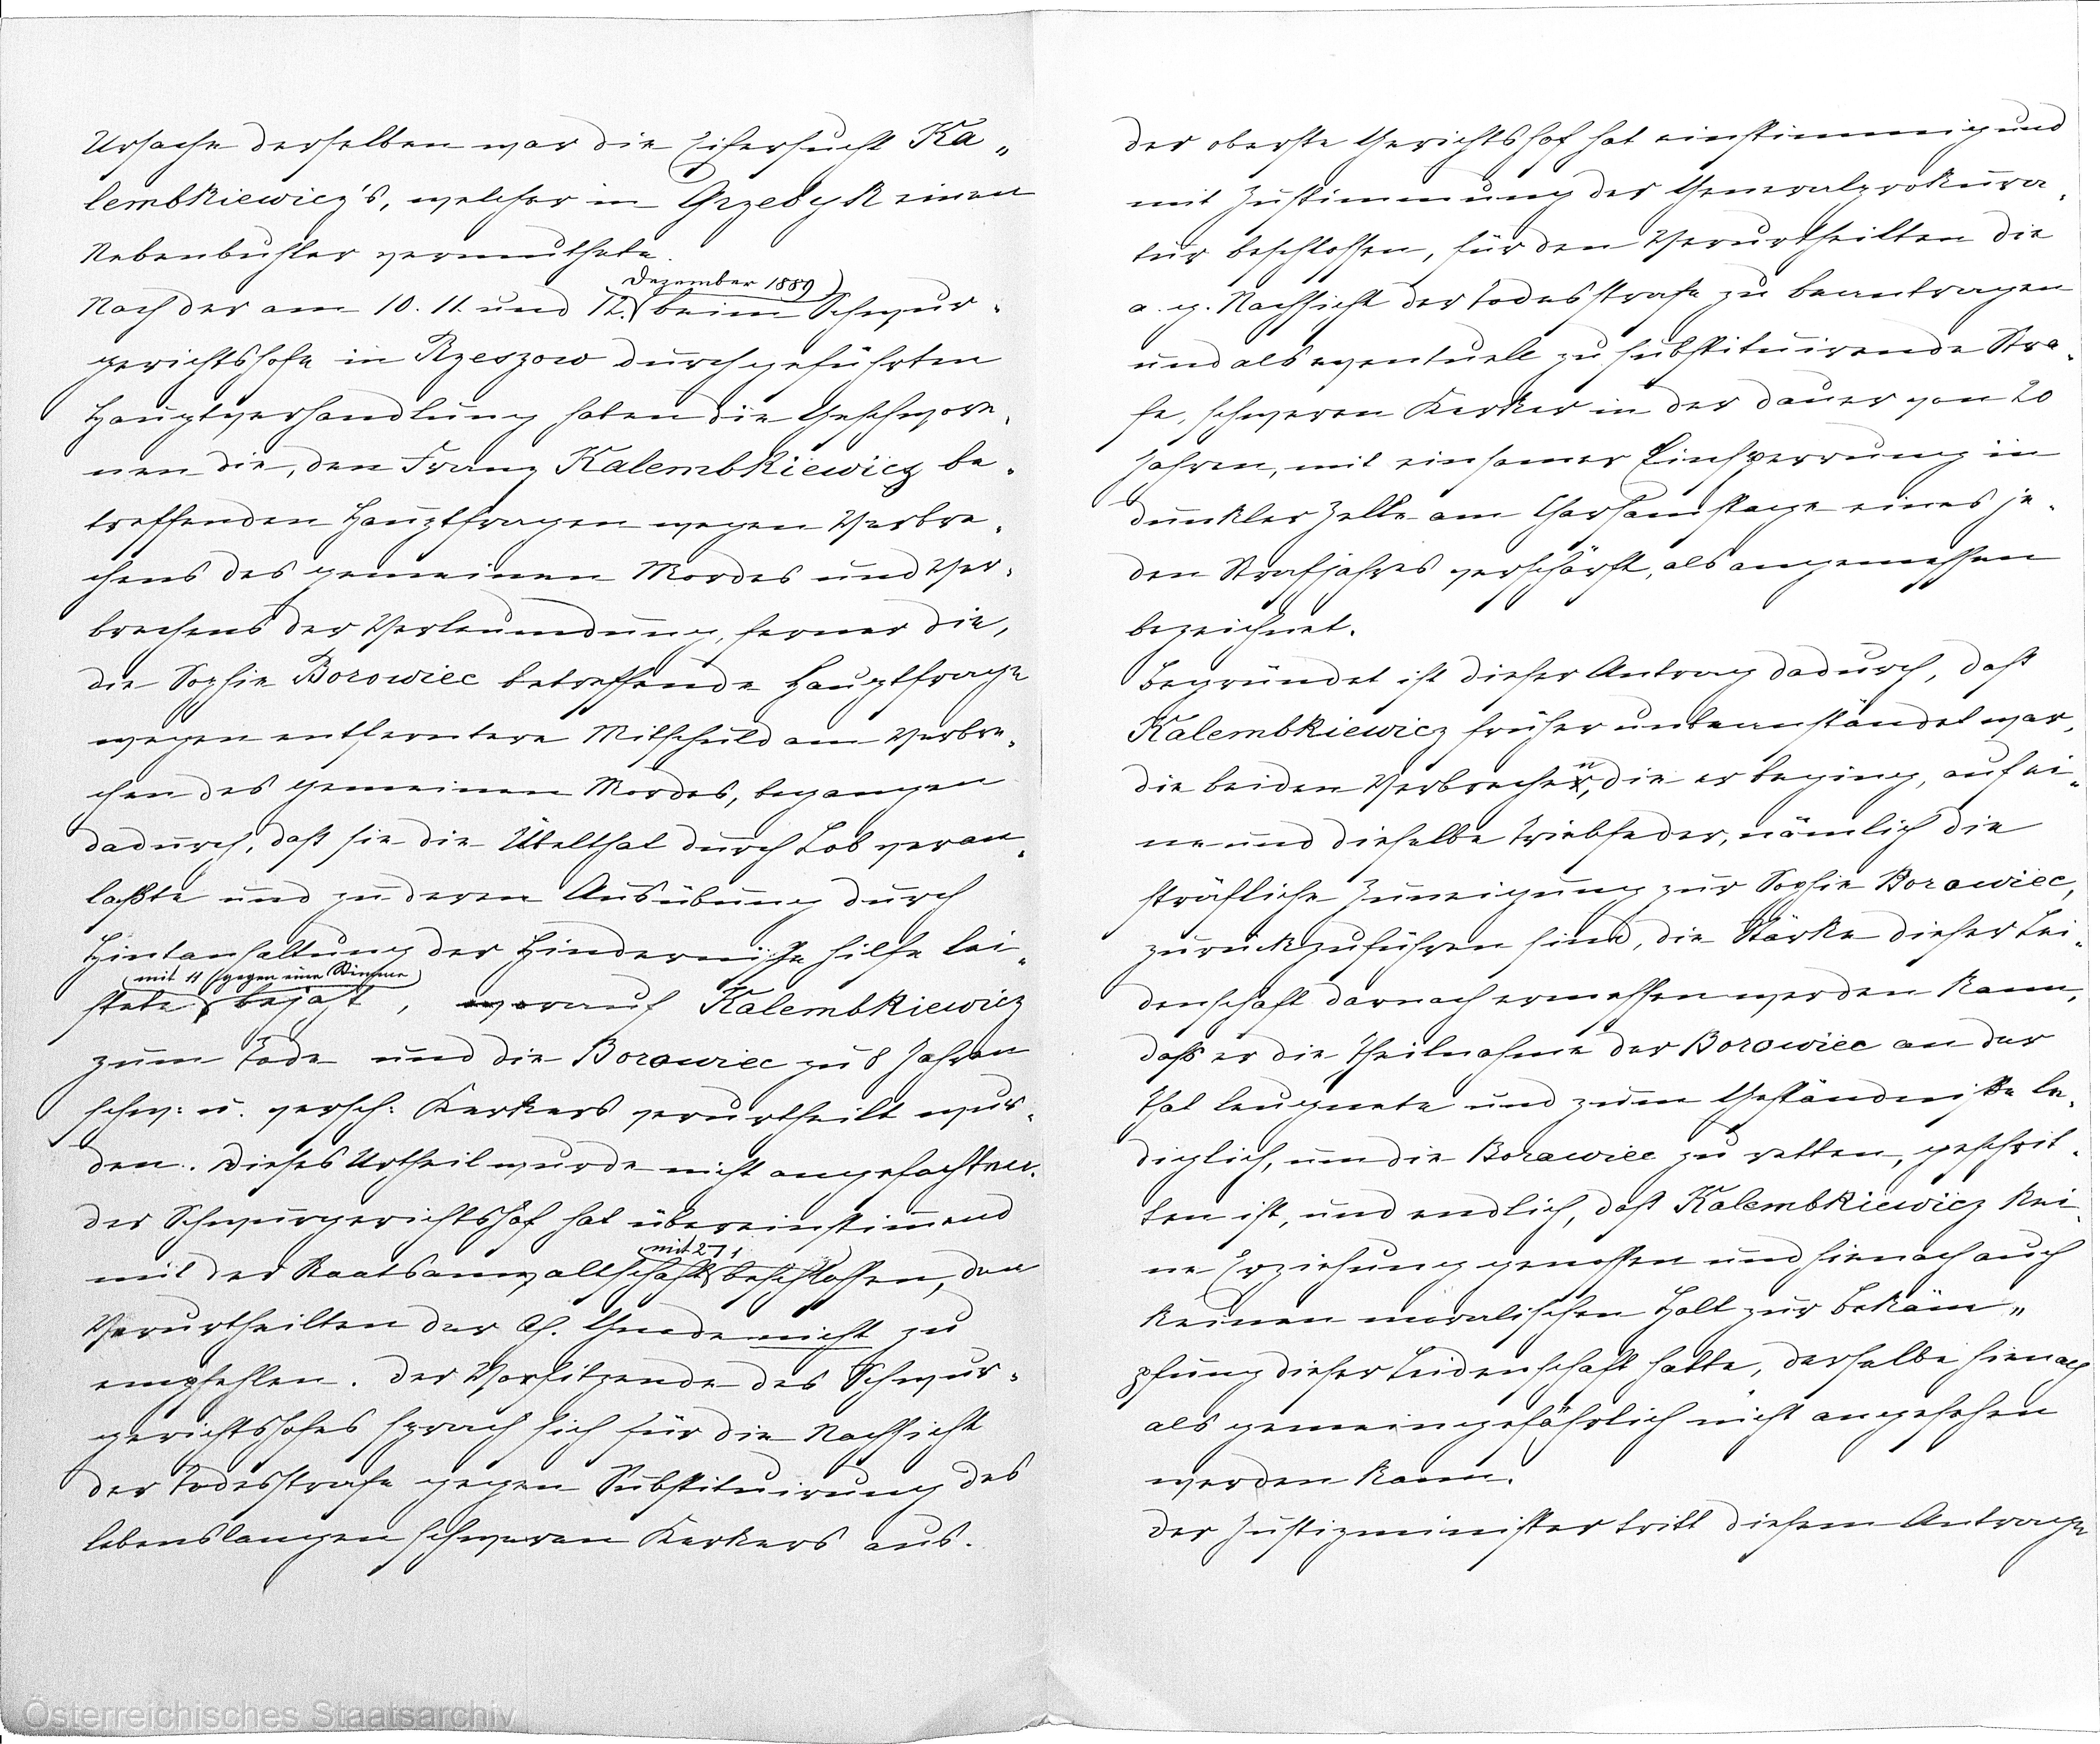Ursache derselben war die Eifersucht Ka¬
lembkiewicz’s, welcher in Grzebyk einen
Rebenbuhler vermuthete.
Dezember 1889
Nach der am 10. 11. und 12. beim Schwur¬
gerichtssohn in Rzeszow durch geführten
Hauptverhandlung haben die Geschwor¬
nen die, den Franz Kalembkiewicz be¬
treffenden Hauptfragen wegen Verbre¬
chens des gemeinen Mordes und Ver¬
brechens der Verleumdung, fermer die,
die Sophie Borowiec betreffende Hauptfrag¬
wegen entferntere Mitschuld am verbre¬
chen des gemeinen Mordes, begangen
dadurch, daß sie die Übelthat durch Los veran¬
laßte und zu deren Ausübung durch
Hintanhaltung der Hindernisse Hilfe lei¬
mit 11 gegen eine Stimme
stete bejaht, worauf Kalembkiewicz
zum Tode und die Borowiec zu 8 Jahren
schw. u. versch. Kerkers verurtheilt wur¬
den. Dieses Urtheil wurde nicht angefachten.
Der Schwurgerichtshof hat übereinstimmend
mit 271
mit der Staatsanwaltschaft beschlossen, den
Verurtheilten der Ah. Gnade nicht zu
empfehlen. Der Vorfitzende des Schwur¬
gerichtshofes sprach sich für die Nachsicht
der Todesstrafe gegen Substituirung des
lebenslangen schweren Kerkers aus.
Der oberste Gerichtshof hat einstimmig und
mit Zustimmung der Generalprokura¬
tur beschlossen, für den Verurtheilten die
a.g. Nachsicht der Todesstrafe zu beantragen
und als eventuele zu substituirende Stra¬
fe, schweren Kerker in der Dauer von 20
Jahren, mit einsamer Einsperrung in
dunkler Zelle am xxarsamstage eines je¬
den Strafjahres verschärft, als angemessen
bezeichnet.
Begründet ist dieser Antrag dadurch, daß
Kalembkiewicz früher unbeanständet war,
die beiden Verbrechen, die er beging, auf ei¬
ne und dieselbe Triebfeder, nämlich die
sträfliche Zuneigung zur Sophie Borowiec,
zurückzuführen sind, die Stärke dieser Lei¬
denschaft darnach ermessen werden kann,
daß er die Theilnahme der Borowiec an der
That leugnete und zum Geständniße le¬
diglich, um die Borowiec zu retten, geschrit¬
ten ist, und endlich, daß Kalembkiewicz kei¬
ne Erziehung genossen und hienach auch
keinen moralischen Holt zur Bekäm¬
pfung dieser Leidenschaft hatte, derselbe hienach
als gemeingefährlich nicht angesehen
werden kann.
Der Justizminister tritt diesem Antrag-